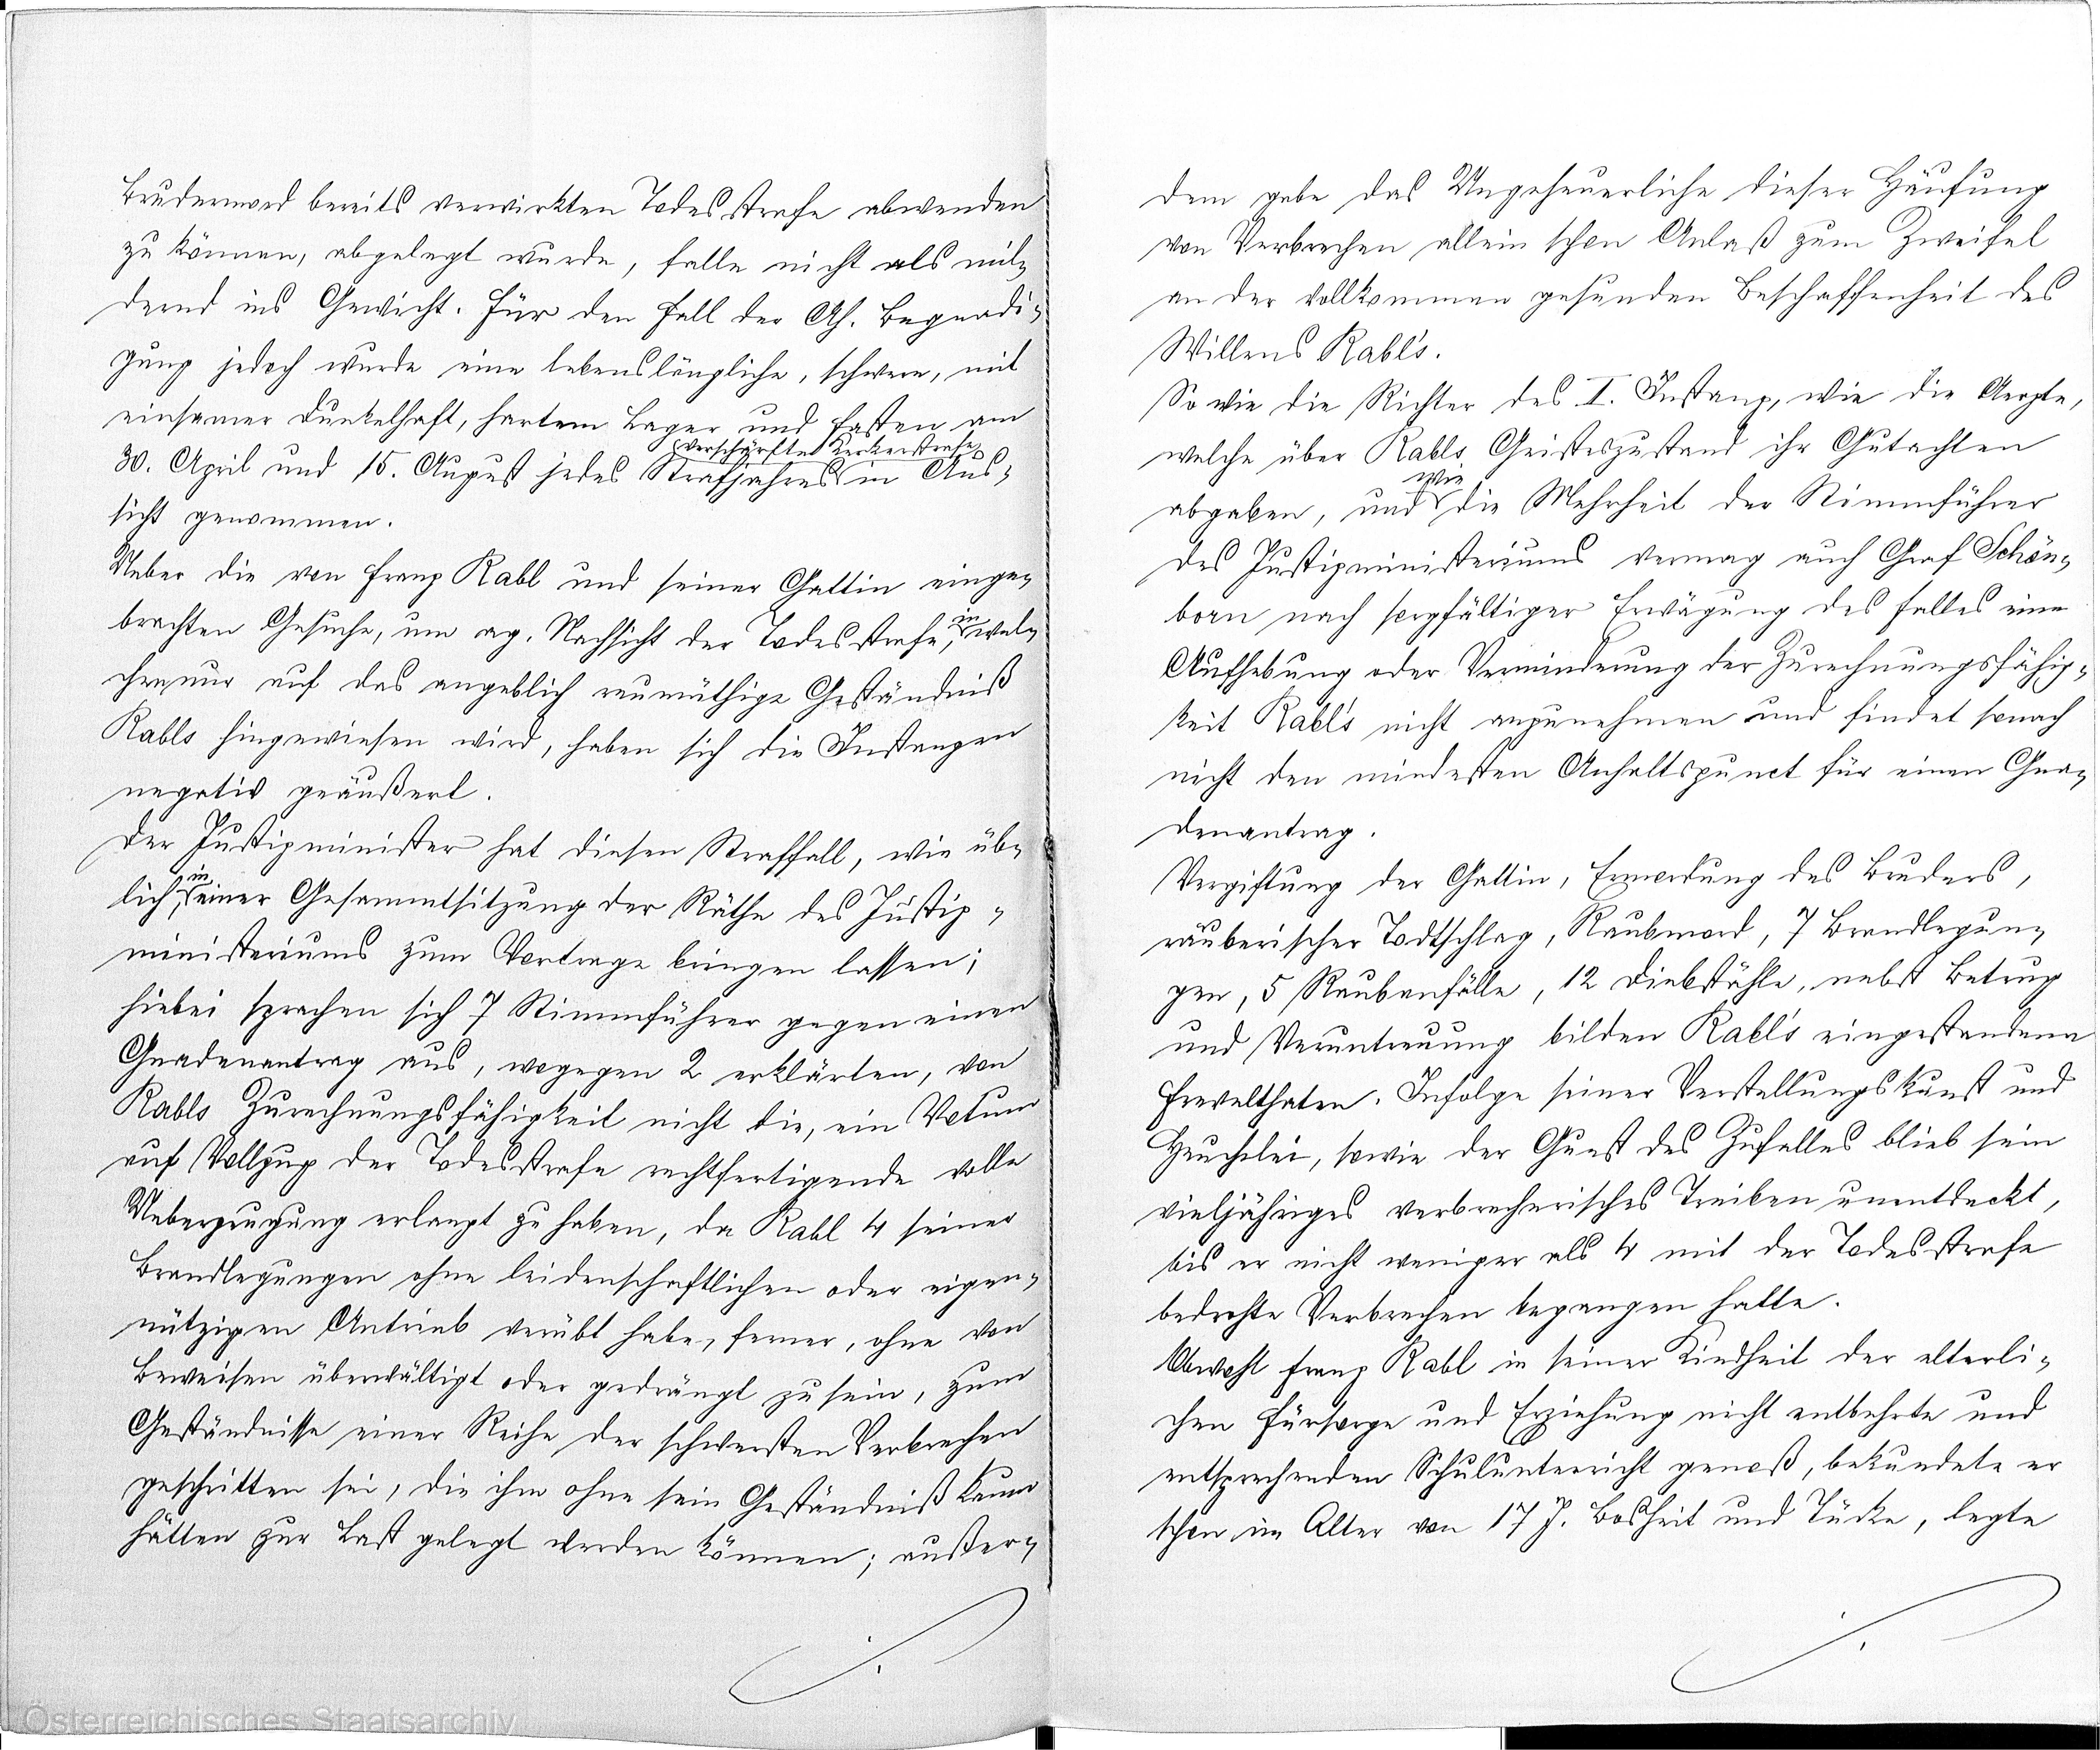Brudermord bereits verwirkten Todesstrafe abwenden
zu können, abgelegt wurde, falle nicht als mil¬
dernd ins Gewicht. Für den Fall der Ah. Begnadi¬
gung jedoch wurde eine lebenslängliche, schwere, mit
einsamer Dunkelhaft, hartem Lager und Fasten am
30. April und 15. August jedes Strafjahres verschärfte Kerkerstrafe in Aus¬
sicht genommen.
Ueber die von Franz Rabl und seiner Gattin einge¬
brachten Gesuche, um ag. Nachsicht der Todesstrafe, in wel¬
chen nur auf das angeblich reumüthige Geständniß
Rabls hingewiesen wird, haben sich die Instanzen
negativ geäußert.
Der Justizminister hat diesen Straffall, wie üb¬
lich, in einer Gesammtsitzung der Räthe des Justiz¬
ministeriums zum Vortrage bringen lassen;
hiebei sprechen sich 7 Stimmführer gegen einen
Gnadenantrag aus, wogegen 2 erklärten, von
Rabls Zurechnungsfähigkeit nicht die, ein Votum
auf Vollzug der Todesstrafe rechtfertigende volle
Ueberprugung erlangt zu haben, da Rabl 4seiner
Brandlegungen ohne leidenschaftlichen oder eigen¬
nützigen Antrieb verübt habe, ferner, ohne von
Beweisen überwältigt oder gedrängt zu sein, zum
Geständnisse einer Reihe der schwersten Verbrechen
geschritten sei, die ihm ohne sein Geständniß kaum
hätten zur Last gelegt werden können; äußer¬
dem gabe das Ungeheuerliche dieser Häufung
von Verbrechen allein schon Anlaß zum Zweifel
an der vollkommen gefunden Beschaffenheit des
Willens Rabl's.
So wie die Richter des I. Instanz, wie die Aerzte,
welche über Rabls Geisteszustand ihr Gutachten
abgeben, und wie die Mehrheit der Stimmführer
des Justizministeriums vermag auch Graf Schön¬
born nach sorgfältiger Erwägung des Falles eine
Aufhebung oder Verminderung der Zurechnungsfähig¬
keit Rabl's nicht anzunehmen und findet sonach
nicht den mindesten Anhaltspunct für einen Gna¬
denantrag.
Vergiftung der Gattin, Ermordung des Bruders,
räuberischer Todtschlag, Raubmord, 7 Brandlegun¬
gen, 5 Raubenfälle, 12 Diebstähle, nebst Betrug
und Veruntreuung bilden Rabl's eingestandene
Frevelthaten. Infolge seiner Verstellungskunst und
Heuchelei, sowie der Gunst des Zufalles blieb sein
vieljähriges verbrecherisches Treiben unentdeckt,
bis er nicht weniger als 4 mit der Todesstrafe
bedrehte Verbrechen begangen hatte.
Obwohl Franz Rabl i seiner Kindheit der elterli¬
chen Fürsorge und Erziehung nicht entbehrte und
entsprechenden Schulunterricht genoß, bekundete er
schon im Alter von 17 J. Bosheit und Tücke, legte